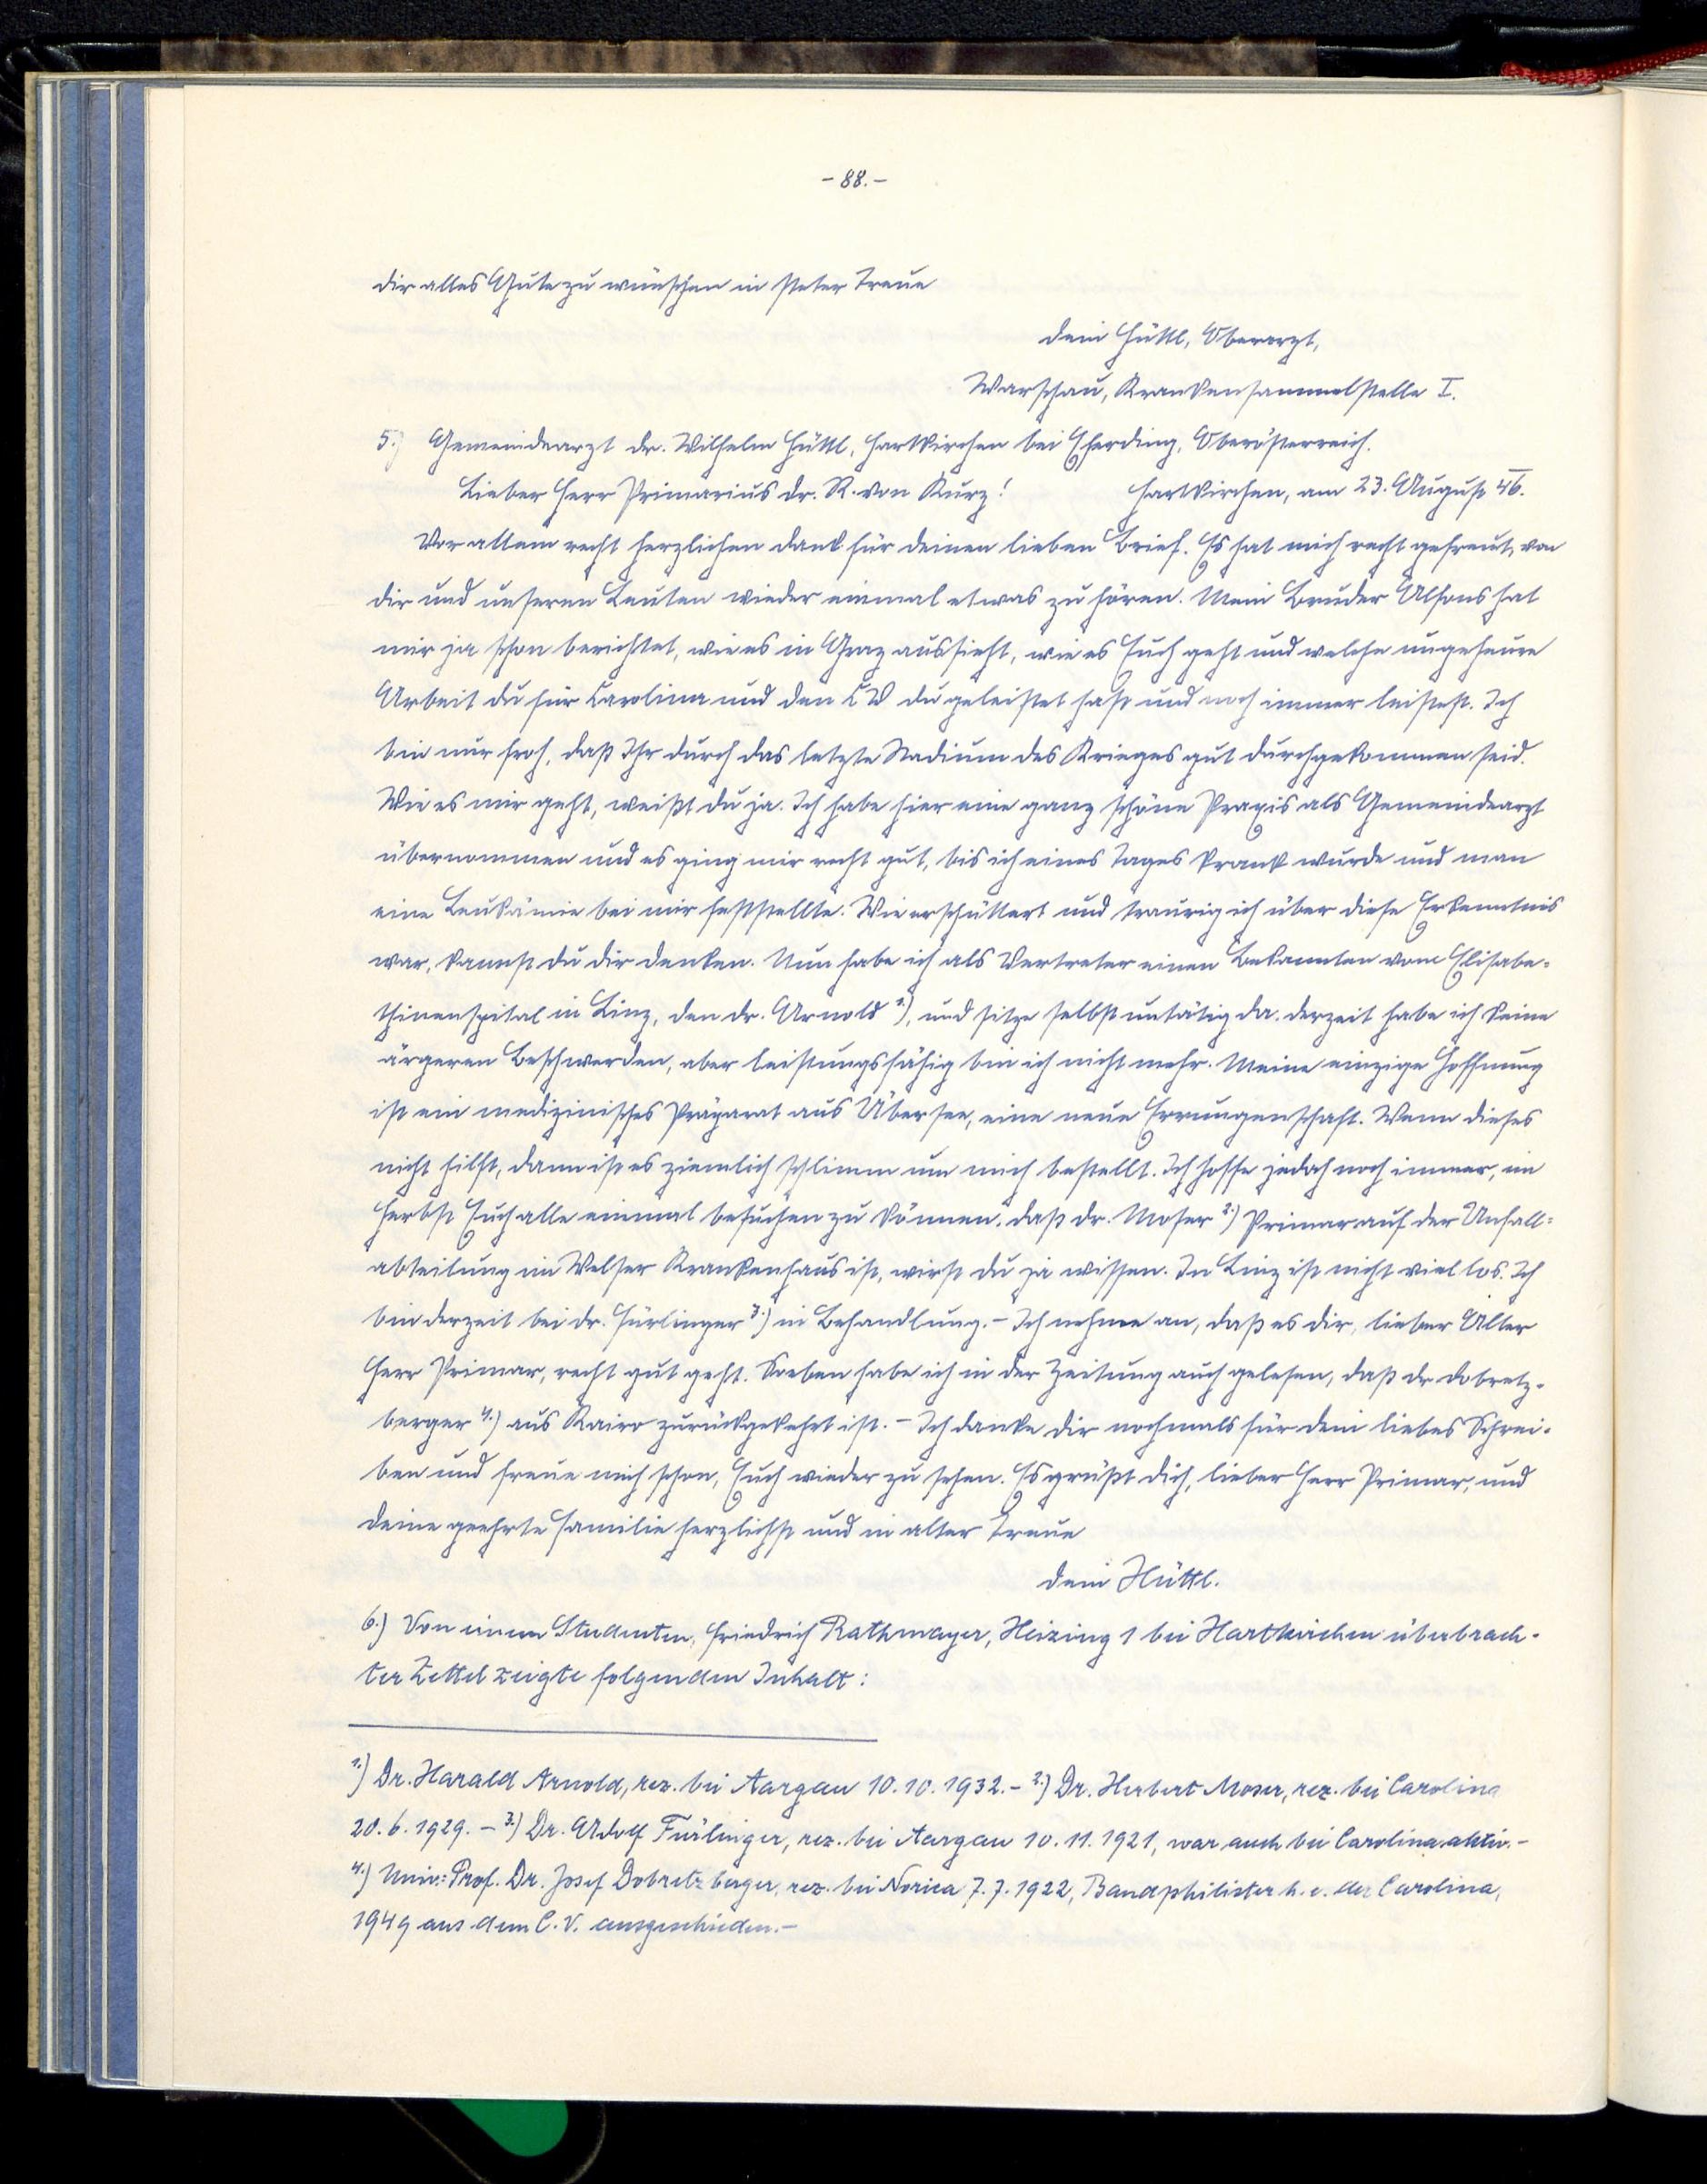88
Dir alles Gute zu wünschen in steter Treue
Dein Hüttl, Oberarzt,
Warschau, Krankensammelstelle I.
5. Gemeindearzt Dr. Wilhelm Hüttl, Hartkirchen bei Eferding, Oberösterreich.
Hartkirchen, am 23. August 46.
Lieber Herr Primarius Dr. R. von Kurz!
Vor allem recht herzlichen Dank für deinen lieben Brief. Es hat mich recht gefreut, von
dir und unseren Leuten wieder einmal etwas zu hören. Mein Bruder Alfons hat
mir ja schon berichtet, wie es in Graz aussieht, wie es Euch geht und welche ungeheure
Arbeit fu für Carolina und den CV du geleistet hast und noch immer leistest. Ich
bin nur froh, daß Ihr durch das letzte Stadium des Krieges gut durchgekommen seid.
Wie es mir geht, weißt du ja. Ich habe hier eine ganz schöne Praxis als Gemeindearzt
übernommen und es ging mir recht gut, bis ich eines Tages krank wurde und man
eine Leukämie bei mir feststellte. Wie erschüttert und traurig ich über diese Erkenntnis
war, kannst du dir denken. Nun habe ich als Vertreter einen Bekannten vom Elisabe-
thinenspital in Linz, den Dr. Arnold 1) und sitze selbst untätig da. Derzeit habe ich keine
ärgeren Beschwerden, aber leistungsfähig bin ich nicht mehr. Meine einzige Hoffnung
ist ein medizinisches Präparat aus Übersee, eine neue Errungenschaft. Wenn dieses
nicht hilft, dann ist es ziemlich schlimm um ich bestellt. Ich hoffe jedoch noch immer, im
Herbst Euch alle einmal besuchen zu können“. Daß Dr. Moser 2) Primar auf der Unfall-
abteilung im Welser Krankenhaus ist, wirst du ja wissen. In Linz ist nicht viel los. Ich
bin derzeit bei Dr. Fürlinger 3) in Behandlung.- Ich nehme an, daß es dir, lieber Alter
Herr Primar, recht gut geht. Soeben habe ich in der Zeitung auch gelesen, daß Dr Dobretz-
berger 4) aus Kairo zurückgekehrt ist. Ich danke dir nochmals für dein liebes Schrei-
ben und freue mich schon, Euch wieder zu schen. Es grüßt dich lieber Herr Primar, und
deine geehrte Hamilie herzlichst und in alter Treue
dein Hüttl.
6) Von einen Studenten, Friedrich Rathmayer, Hirzing 1 bei Hartkichen überbrach-
ter Zettel zeigte folgenden Inhalt:
1) Dr. Harald Arnold, rez. bei Aargau 10. 10.1932.- 2) Dr. Herbert Moser, rez. bei Carolina
20.6. 1929. 3) Dr. Adolf Fürlinger rez. bei Aargau 10.11.1921, war auch bei Carolina aktiv
4.) Univ Prof. Dr. Josef Dobretzberger, rez. bei Norica 7.7. 1922, Bandphilister h. c. der Carolina,
1949 aus dem C. V ausgeschieden.